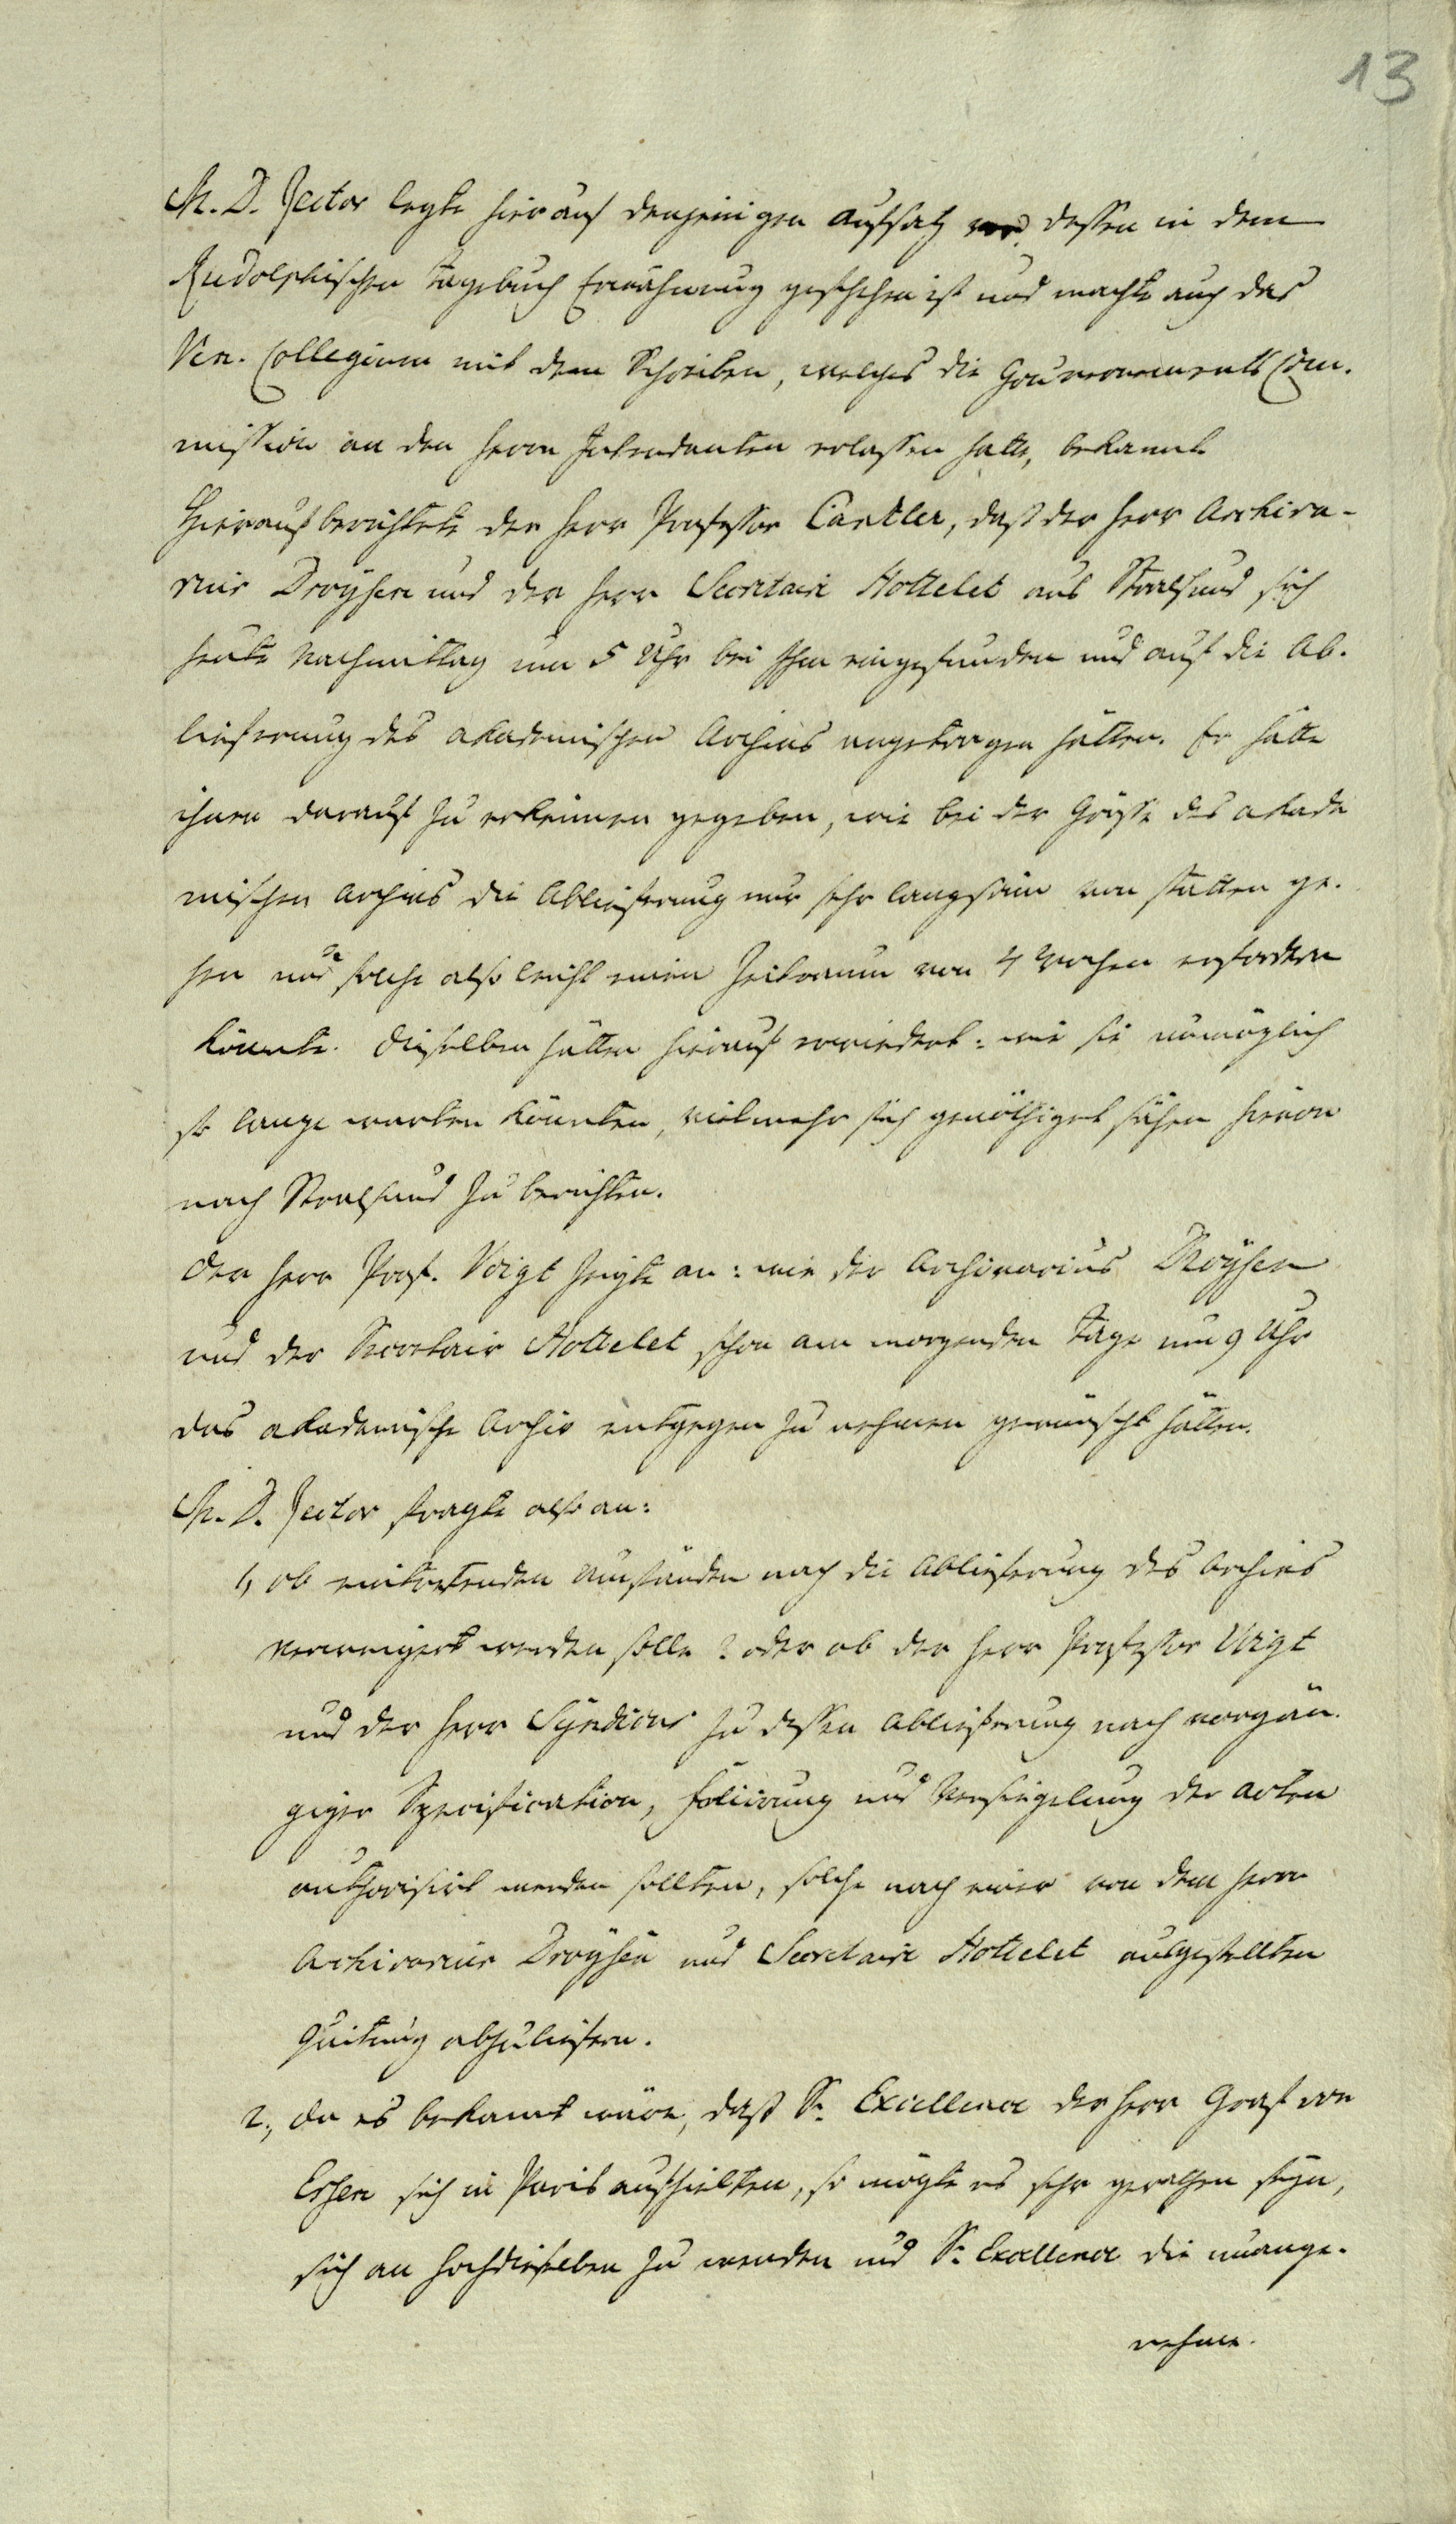M. D. Rector legte hierauf denjenigen Aufsatz vor dessen in dem
Rudolphischen Tagebuch Erwähnung geschehen ist und machte auch das
Ven. Collegium mit dem Schreiben, welches die Gouvernements Com¬
mission an den Herrn Intendanten erlassen hatte, bekannt.
Hierauf berichtete der Herr Professor Canzler, daß der Herr Archiva¬
rius Droÿsen und der Herr Secretaire Hottelet aus Stralsund sich
heute Nachmittag um 5 Uhr bei Ihm eingefunden und auf die Ab¬
lieferung des akademischen Archivs angetragen hätten. Er hätte
ihnen darauf zu erkennen gegeben, wie bei der Grösse des akade¬
mischen Archivs die Ablieferung nur sehr langsam von statten ge¬
hen und solche also leicht einen Zeitraum von 4 Wochen erfordern
könnte. Dieselben hätten hierauf erwiedert: wie sie unmöglich
so lange warten könnten, vielmehr sich genöthiget sähen hievon
nach Stralsund zu berichten.
der Herr Prof. Voigt zeigte an: wie der Archivarius Droÿsen
und der Secretair Hottelet , schon am morgenden Tage um 9 Uhr
das akademische Archiv entgegen zu nehmen gewünscht hätten.
M. D. Rector fragte also an:
1, ob eintretenden Umständen nach die Ablieferung des Archivs
verweigert werden solle? oder ob der Herr Professor Voigt
und der Herr Sÿndicus zu dessen Ablieferung nach vorgän¬
giger Specification, Foliirung und Versiegelung der Acten
authorisirt werden sollten, solche nach einer von dem Herrn
Archivarius Droÿsen und Secretaire Hottelet ausgestellten
Quitung abzuliefern.
2, da es bekannt wäre, daß Sr. Excellence der Herr Graf von
Essen sich in Paris aufhielten, so mögte es sehr gerathen seÿn,
sich an Hochdieselben zu wenden und Sr Excellence die unange¬
nehme